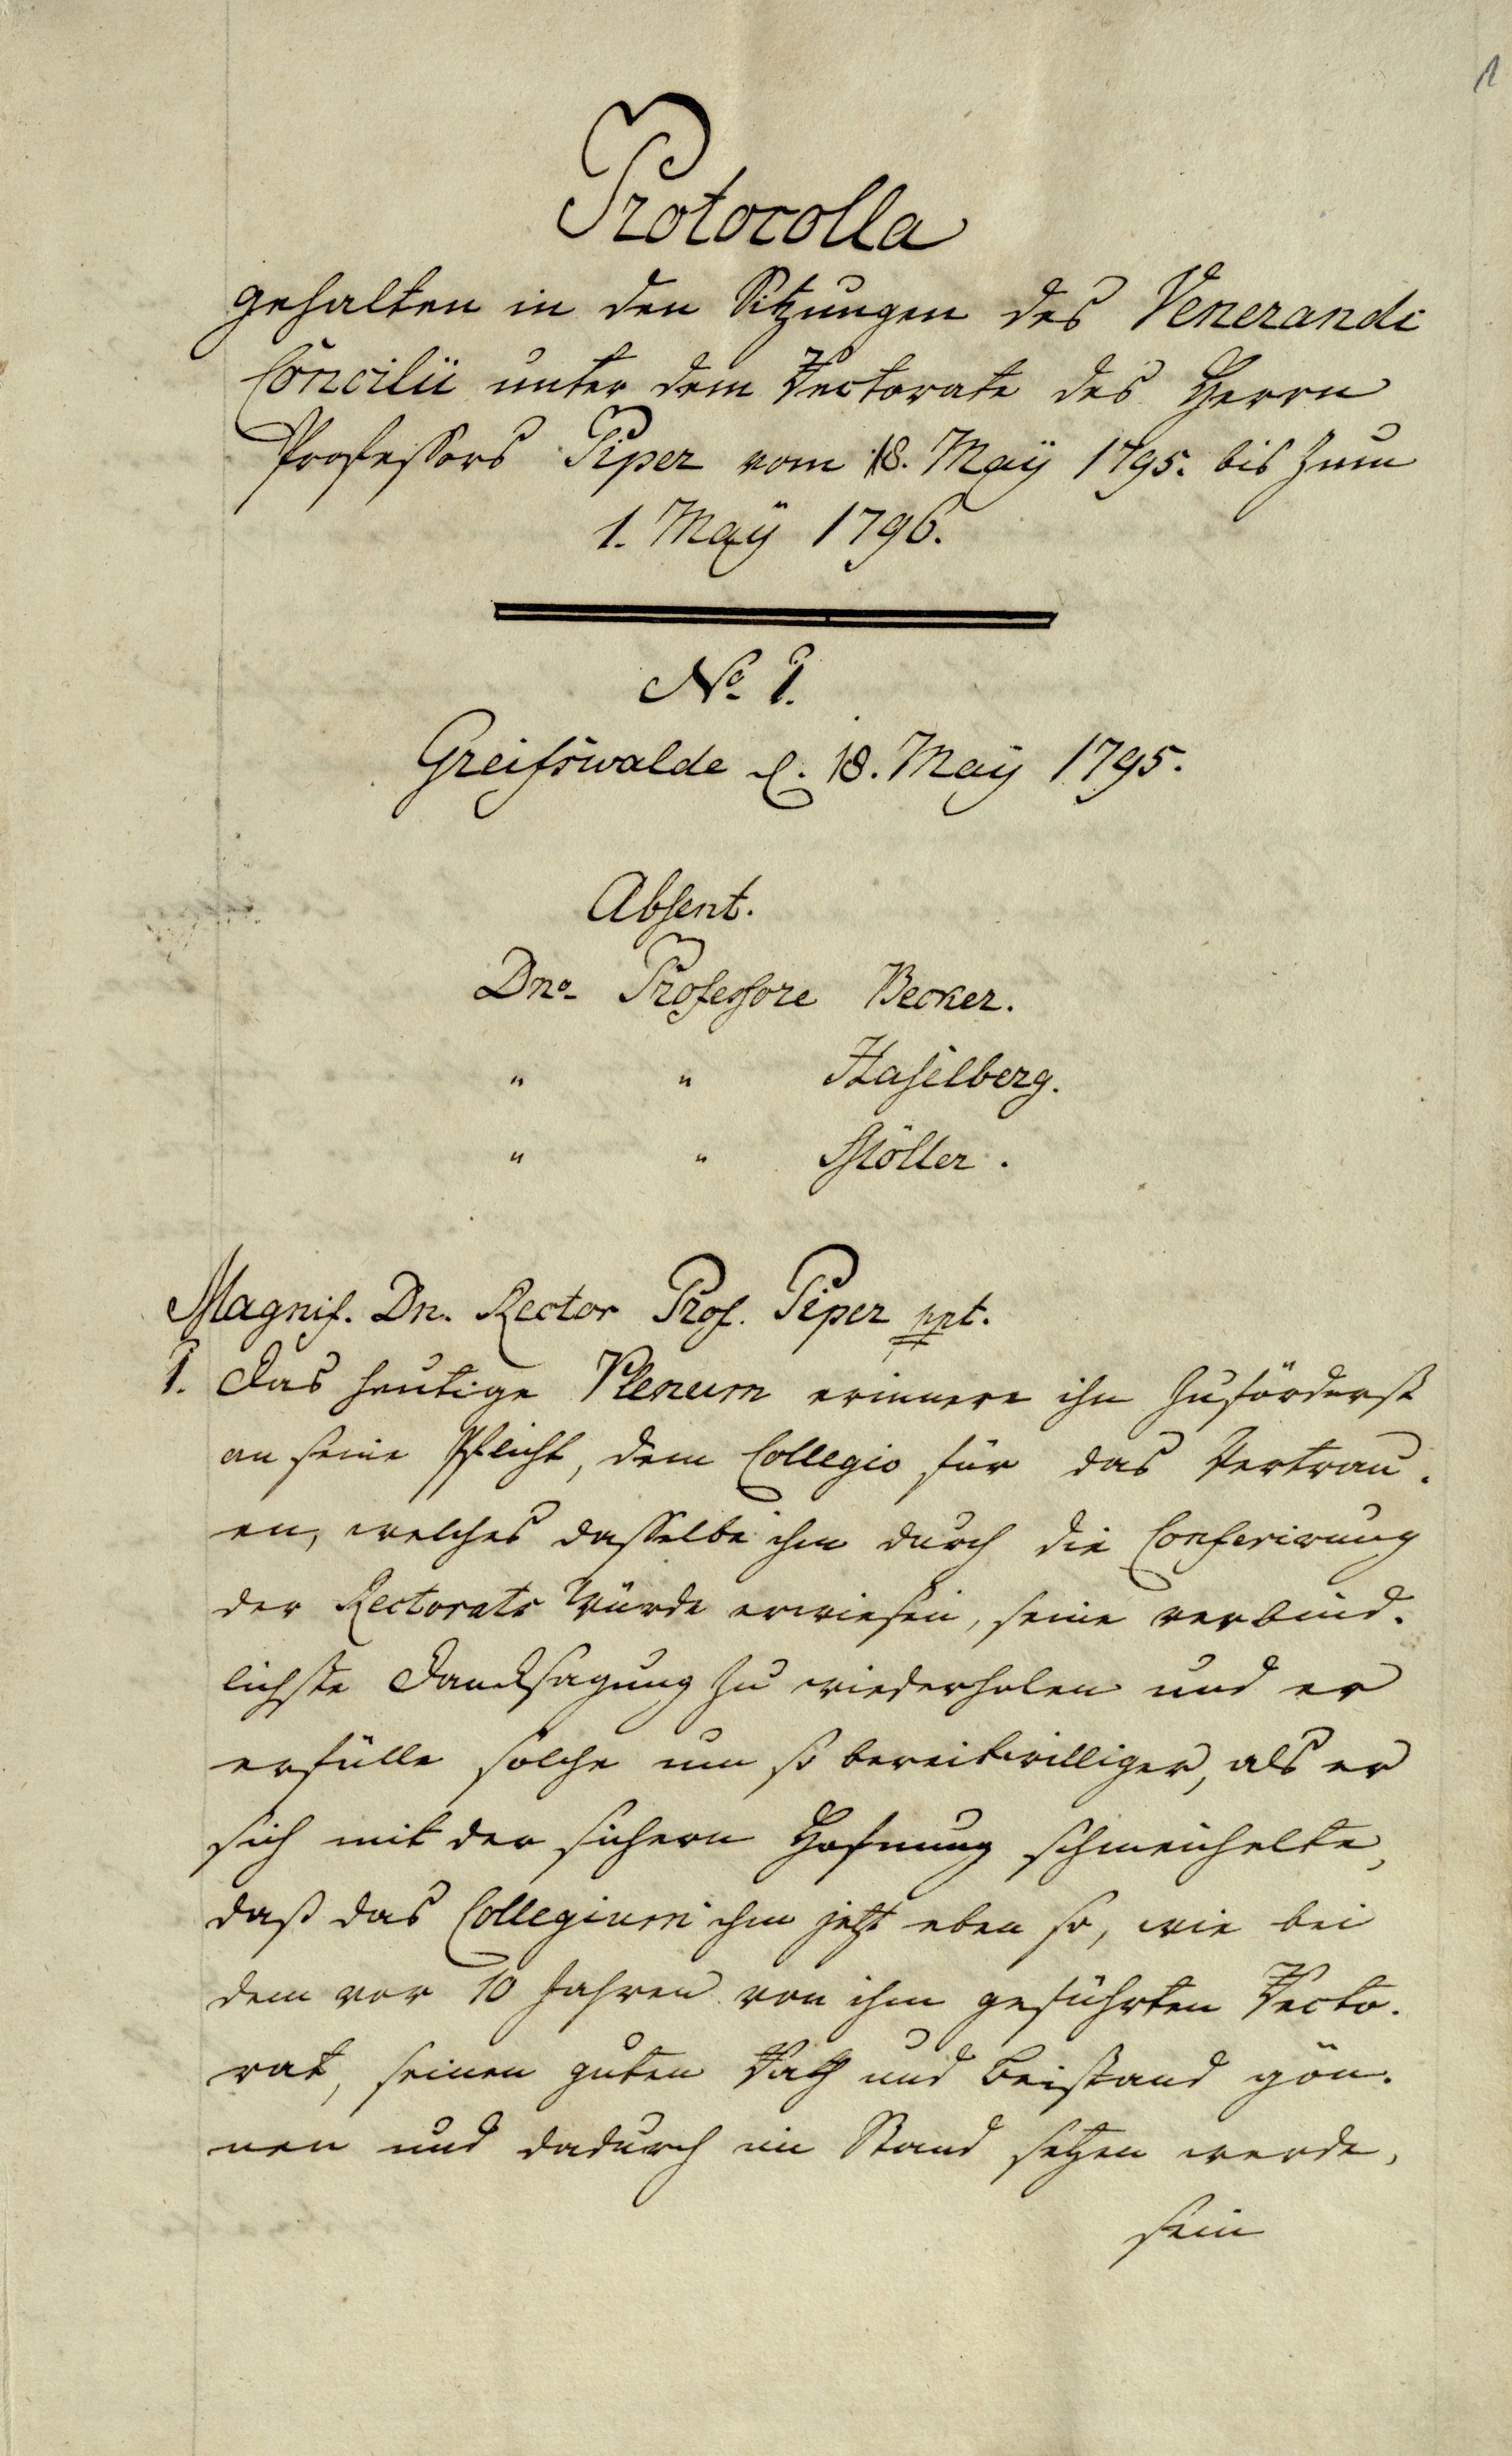1
Protocolla
gehalten in den Sitzungen des Venerandi
Concilii unter dem Rectorate des Herrn
Professors Piper vom 18. Maÿ 1795. bis zum
1. Maÿ 1796.
No 1.
Greifswalde d. 18. Maÿ 1795.
Absent.
Dno Professore Becker.
" " Haselberg.
" " Möller.
Magnif. Dn. Rector Prof. Piper ppt.
1. Das heutige Plenum erinnere ihn zuförderst
an seine Pflicht, dem Collegio für das Vertrau¬
en, welches dasselbe ihm durch die Conferierung
der Rectorats Würde erwiesen, seine verbind¬
lichste Danksagung zu wiederholen und er
erfülle solche um so bereitwilliger, als er
sich mit der sichern Hofnung schmeichelte,
daß das Collegium ihm jetzt eben so, wie bei
dem vor 10 Jahren von ihm geführten Recto¬
rat, seinen guten Rath und Beistand gön¬
nen und dadurch in Stand setzen werde,
sein